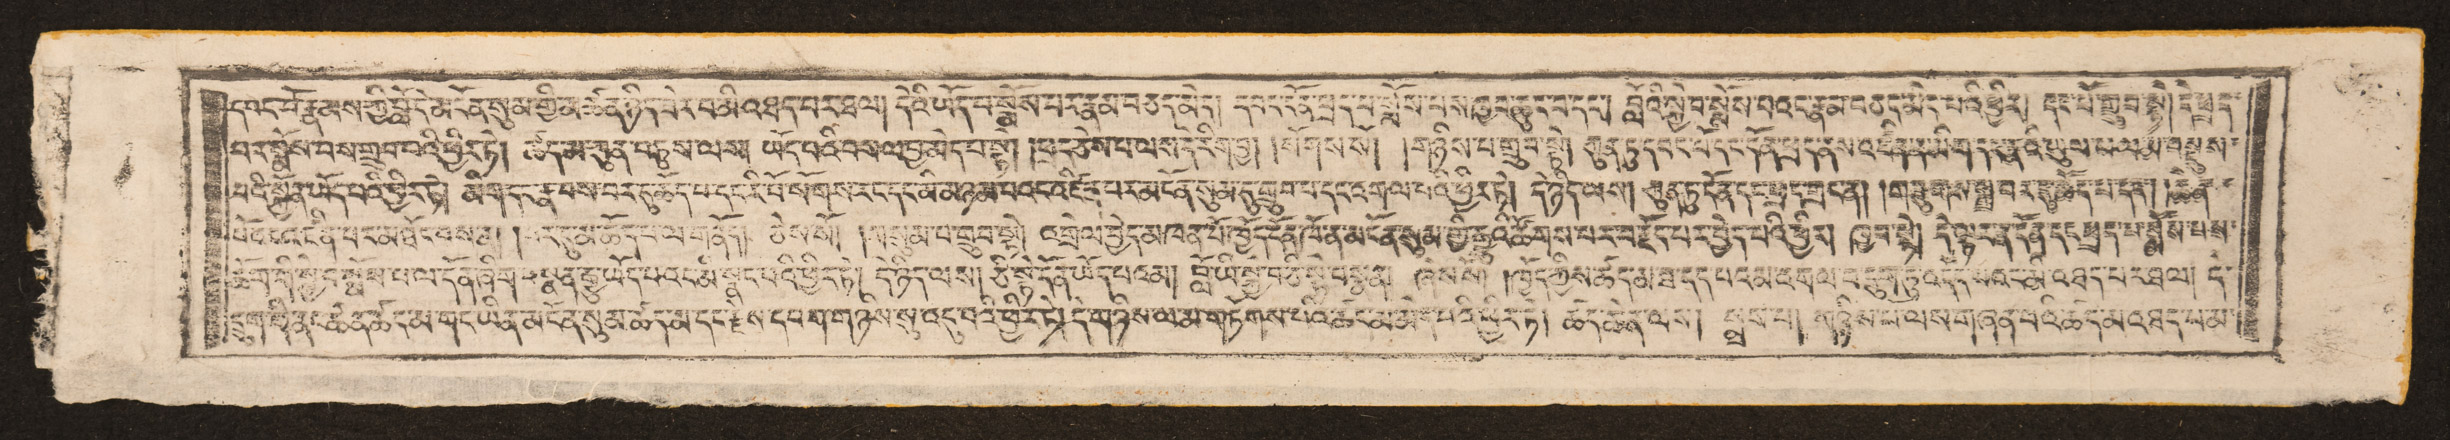དབང་པོ་རྣམས་ཀྱི་བློ་དེ་མངོན་སུམ་གྱི་མཚན་ཉིད་ཟེར་བ་མི་འཐད་པར་ཐལ། དེའི་ཡོད་པ་སྨོས་པར་རྣམ་བཅད་མེད། དབང་དོན་ཕྲད་པ་སྨོས་པས་ཁྱབ་ཆུང་བ་དང་། བློའི་སྐྱེ་བ་སྨོས་པའང་རྣམ་བཅད་མེད་པའི་ཕྱིར། དང་པོ་གྲུབ་སྟེ། དེ་ཕྲད་
པར་སྨོས་པས་གྲུབ་པའི་ཕྱིར་ཏེ། ཚད་མ་ཀུན་བཏུས་ལས། ཡོད་པའི་བསལ་བྱ་མེད་པ་སྟེ། །ཕྲད་ཅེས་པ་ལས་དེ་རིག་བྱ། །སོགས་སོ། །གཉིས་པ་གྲུབ་སྟེ། ཀུན་ཏུ་དབང་པོ་དང་དོན་ཕྲད་ནས་འཛིན་ན་མིག་དང་རྣའི་ཡུལ་ཕལ་མ་བསྡུས་
པའི་སྐྱོན་ཡོད་པའི་ཕྱིར་ཏེ། མིག་དང་རྣ་བས་བར་དུ་ཆོད་པ་དང་རི་པོ་སོགས་རང་དང་མི་མཉམ་པའང་འཛིན་པར་མངོན་སུམ་དུ་གྲུབ་པ་དང་འགལ་པའི་ཕྱིར་ཏེ། དེ་ཉིད་ལས། ཀུན་ཏུ་དོན་དང་ཕྲད་གྲང་ན། །གཟུགས་སྒྲ་བར་དུ་ཆོད་པ་དང་། །ཆེན་
པོའང་འཛིན་པར་མཐོང་བས་ན། །བར་དུ་མཆོད་པ་ལ་གནོད། ཅེས་སོ། །གསུམ་པ་གྲུབ་སྟེ། འགྲེལ་བྱེད་མཁན་པོ་ཁྱོད་དོན་ཁོ་ན་མངོན་སུམ་གྱི་རྒྱུའི་ཚོགས་པར་བརྗོད་པར་བྱེད་པའི་ཕྱིར། ཁྱབ་སྟེ། དེ་ལྟར་ན་དོན་དང་ཕྲད་པ་སྨོས་པས་
ཆོག་གི་སྐྱེ་བ་སྨོས་པ་ལ་དོན་ཞིག་བསྣན་རྒྱུ་ཡོད་པའང་མི་སྣང་བའི་ཕྱིར་ཏེ། དེ་ཉིད་ལས། ཅི་སྟེ་དོན་ཡོད་པའམ། བློ་ཡི་སྐྱེ་བ་ཅི་སྟེ་བསྣན། ཞེས་སོ། །ཁྱོད་ཀྱིས་ཚད་མ་ཐ་དད་པའམ་འགལ་བ་དྲུག་ཏུ་འདོད་པའང་མི་འཐད་པར་ཐལ། དེ་
དྲུག་གི་ནང་ཚན་ཚད་མ་གང་ཡིན་མངོན་སུམ་ཚད་མ་དང་རྗེས་དཔག་གཉིས་སུ་འདུ་བའི་ཕྱིར་ཏེ། དེ་གཉིས་ལ་མ་གཏོགས་པའི་ཚད་མ་མེད་པའི་ཕྱིར་ཏེ། ཚད་ཆེན་ལས། སྨྲས་པ། གཉིས་པ་ལས་གཞན་པའི་ཚད་མ་འཐད་པ་མ་